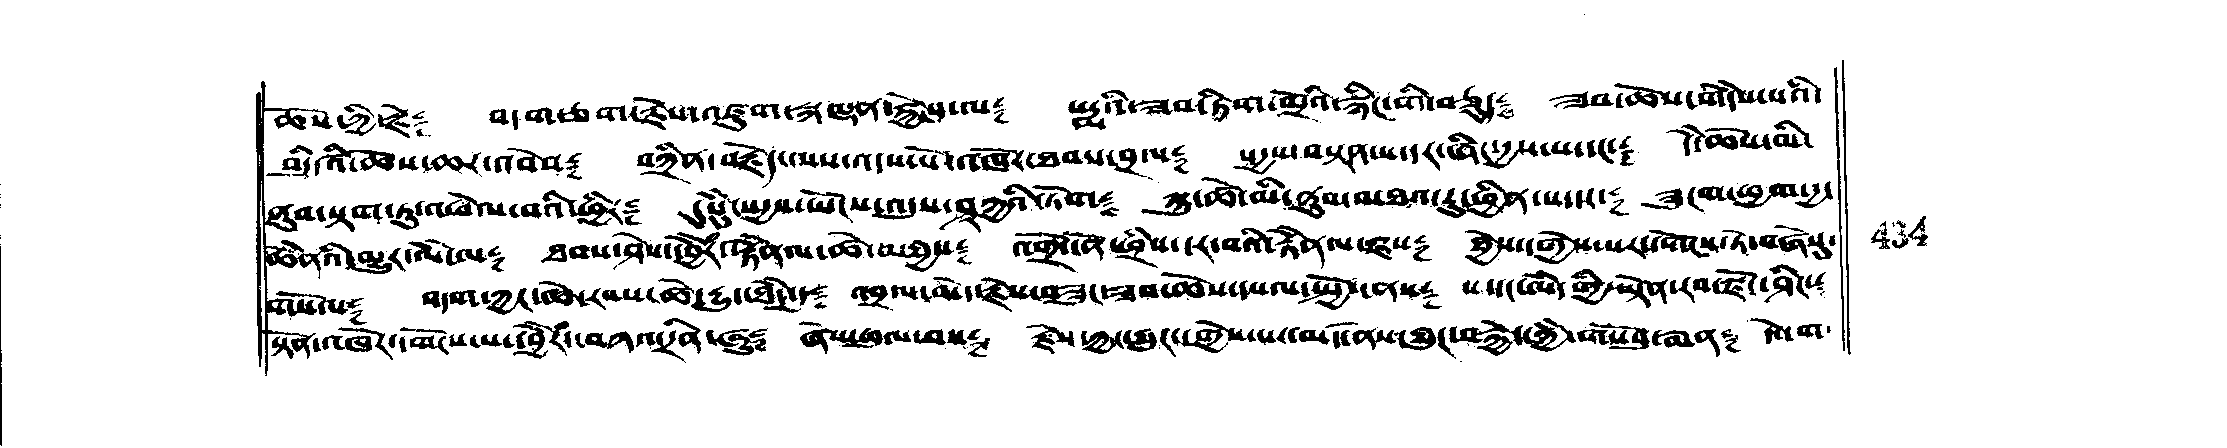ཆོས་ཀྱི་རྗེ། །བདག་ཅག་རྗེས་འཇུག་སྐལ་ལྡན་སྐྱེས་བུ་ལ། །པདྨའི་ཟབ་ཏིག་མཁའ་འགྲོའི་སྙིང་གི་བཅུད། །ཟབ་ཆོས་གདམས་པའི་
བདུད་རྩིའི་ཆོས་ཆར་འབེབ། །བཀའ་དྲིན་བརྗོད་ལས་འདས་སོ་འཁོར་ཐབས་བྲལ། །སངས་རྒྱས་བསྟན་པ་དར་ཞིང་རྒྱས་པ་དང་། །དམ་ཆོས་མི་
ནུབ་རྟག་ཏུ་འཕེལ་བའི་ཕྱིར། །དུས་གསུམ་སངས་རྒྱས་ཡོངས་འདུས་ཤཱཀྱའི་ཏོག །སྐུ་ཚེ་མི་ནུབ་མཐའ་རུ་ཕྱིན་པ་དང་། །ཟུང་འཇུག་ཕྱག་རྒྱ་
ཆེན་པོའི་མྱུར་ལམ་ལ། །ཐབས་ཤེས་དབྱེར་མེད་རྟེན་འབྲེལ་ཚེ་མཐའ་ཡས། །འགྲོ་དོན་ཕྲིན་ལས་དར་བའི་རྟེན་འབྲེལ་རྫས། །ཐུགས་རྗེས་དགྱེས་པར་དགོངས་ཏེ་བཞེས་སུ་
གསོལ། །བདག་ཀྱང་ཚེ་རབས་ཚེ་རྒྱུད་ཐམས་ཅད་དུ། །འབྲལ་མེད་རྗེས་བཟུང་ཟབ་ཆོས་དཔལ་སྤྱོད་ནས། །ས་དང་ལམ་གྱི་ཡོན་ཏན་རབ་རྫོགས་ཤིང་། །
སྟོན་འཁོར་དགོངས་པ་དབྱེར་མེད་བཀའ་དྲིན་ཞུ། །ཞེས་ཕུལ་བས།རྗེས་ཀྱང་ཐུགས་དགྱེས་པ་མཛད་ནས་ཐུགས་བསྐྱེད་ཀྱི་གསོས་སུ་སྨན། དེ་དག་